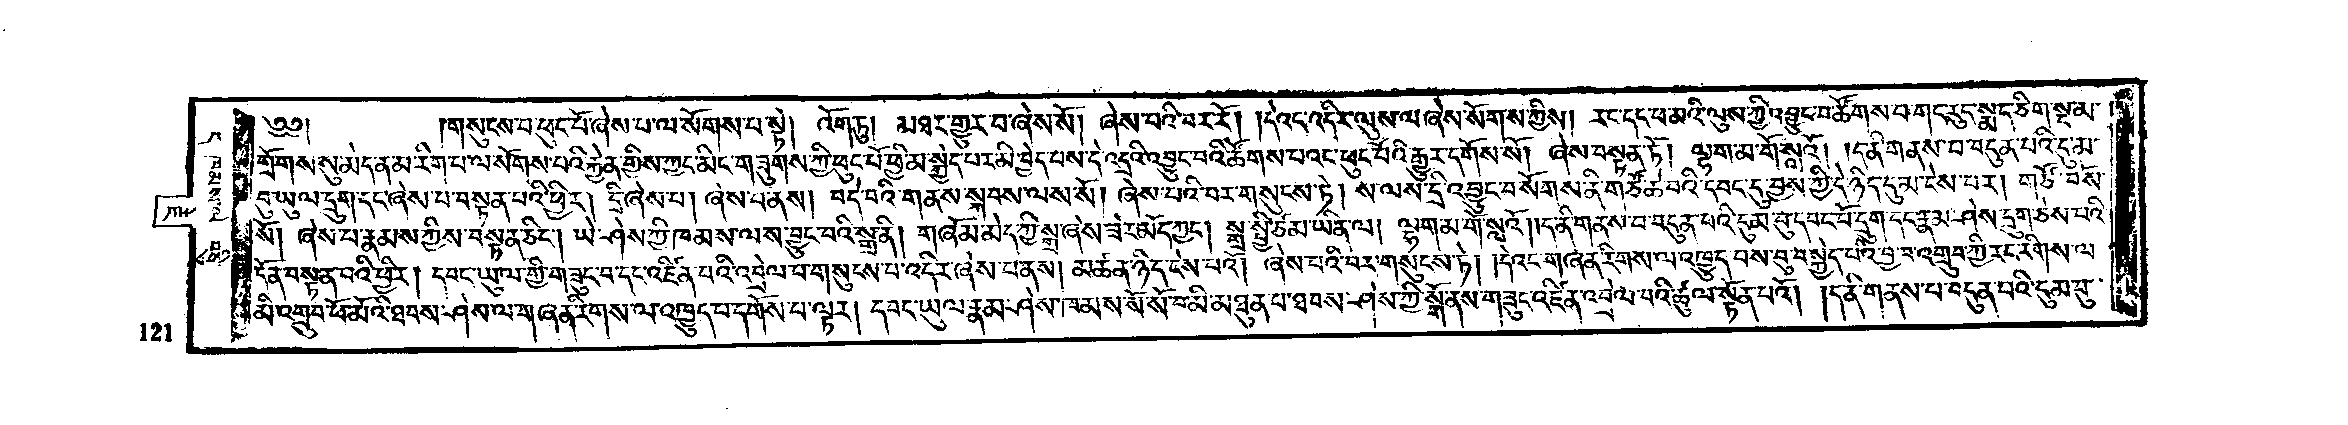༄༅། །གསུངས་པ་ཕུང་པོ་ཞེས་པ་ལ་སོགས་པ་སྟེ། འོག་ཏུ། མཐར་གྱུར་བ་ཞེས་སོ། ཞེས་པའི་བར་རོ། །དེའང་འདིར་ལུས་ལ་ཞེས་སོགས་ཀྱིས། རང་དང་ཕ་མའི་ལུས་ཀྱི་འབྱུང་བ་ཚོགས་པ་གང་རུང་སྨད་ཅིག་སྔ་མ་
གྲོགས་སུ་མེད་ན་མ་རིག་པ་ལ་སོགས་པའི་རྐྱེན་གྱིས་ཀྱང་མིང་གཟུགས་ཀྱི་ཕུང་པོ་ཕྱི་མ་སྐྱེད་པར་མི་བྱེད་པས་དེ་འདྲའི་འབྱུང་བའི་ཚོགས་པའང་ཕུང་པོའི་རྒྱུར་དགོས་སོ། ཞེས་བསྟན་ཏོ། ལྷག་མ་གོ་སླའོ། །ད་ནི་གནས་པ་བདུན་པའི་དུ་མ་
བུ་ཡུལ་དྲུག་དང་ཞེས་པ་བསྟན་པའི་ཕྱིར། དྲི་ཞེས་པ། ཞེས་པ་ནས། བདེ་བའི་གནས་སྐབས་ལས་སོ། ཞེས་པའི་བར་གསུངས་ཏེ། ས་ལས་དྲི་འབྱུང་བ་སོགས་ནི་གཙོ་ཆེ་བའི་དབང་དུ་བྱས་ཀྱི་དེ་ཉིད་དུ་མ་ངེས་པར། གཙོ་བོས་
སོ། ཞེས་པ་རྣམས་ཀྱིས་བསྟན་ཅིང་། ཡེ་ཤེས་ཀྱི་ཁམས་ལས་བྱུང་བའི་སྒྲ་ནི། གཞོམ་མེད་ཀྱི་སྒྲ་ཞེས་ཟེར་མོད་ཀྱང་། སྒྲ་སྤྱི་ཙམ་ཡིན་ལ། ལྷག་མ་གོ་སླའོ། །ད་ནི་གནས་པ་བདུན་པའི་དུམ་བུ་དབང་པོ་དྲུག་དང་རྣམ་ཤེས་དྲུག་ཅེས་པའི་
དོན་བསྟན་པའི་ཕྱིར། དབང་ཡུལ་གྱི་གཟུང་བ་དང་འཛིན་པའི་འབྲེལ་པ་གསུངས་པ་འདིར་ཞེས་པ་ནས། མཚན་ཉིད་ངེས་པའོ། ཞེས་པའི་བར་གསུངས་ཏེ། །དེའང་གཞན་རིགས་ལ་འཁྱུད་པས་བུ་བསྐྱེད་པའི་བྱ་བ་འགྲུབ་ཀྱི་རང་རིགས་ལ་
མི་འགྲུབ་ཕོ་མོའི་ཐབས་ཤེས་ལ་གཞན་རིགས་ལ་འཁྱུད་པ་དགོས་པ་ལྟར། དབང་ཡུལ་རྣམ་ཤེས་ཁམས་སོ་སོ་བ་མི་མཐུན་པ་ཐབས་ཤེས་ཀྱི་སྒོ་ནས་གཟུང་འཛིན་འབྲེལ་བའི་ཚུལ་སྟོན་པའོ། །ད་ནི་གནས་པ་བདུན་པའི་དུམ་བུ་